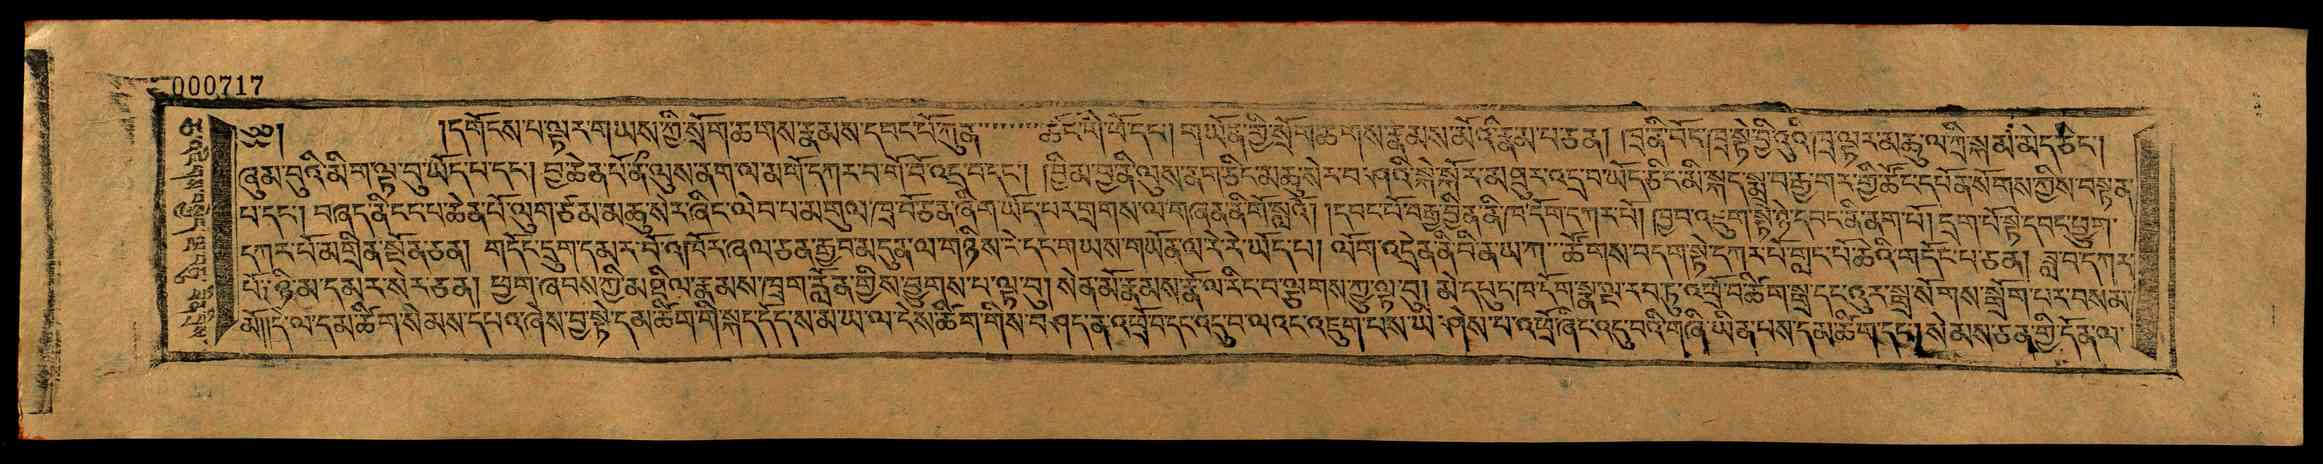༄༅། །དགོངས་པ་ལྟར་གཡས་ཀྱི་སྲོག་ཆགས་རྣམས་དབང་པོ་ཀུན་ཚང་གི་ཕོ་དང་། གཡོན་གྱི་སྲོག་ཆགས་རྣམས་མོའི་རྣམ་པ་ཅན། ཁྲ་ནི་བོང་ཁྲ་སྟེ་བྱིའུའི་ཁྲ་ལྟར་མཆུ་ལ་ཀྲི་སྐམ་མེད་ཅིང་།
ཞུམ་བུའི་མིག་ལྟ་བུ་ཡོད་པ་དང་། བྱ་ཆེན་པོ་ནི་ལུས་ནག་ལ་མགོ་དཀར་བ་གོ་བོ་འདྲ་བ་དང་། ཁྱིམ་བྱ་ནི་ལུས་ནག་ཅིང་མཆུ་སེར་བ་ཤའི་སྐེ་སྐོར་མཐུར་འདྲ་བ་ཡོད་ཅིང་མི་སྐད་སྨྲ་བ་རྒྱ་གར་གྱི་ཚོང་དཔོན་སོགས་ཀྱིས་བསྟེན་
པ་དང་། བཞད་ནི་ངང་པ་ཆེན་པོ་ལུག་ཙམ་མཆུ་སེར་ཞིང་ལེབ་པ་མགུལ་ཁྲ་བོ་ཅན་ཞིག་ཡོད་པར་གྲགས་ལ་གཞན་ནི་གོ་སླའོ། །དབང་པོ་བརྒྱ་བྱིན་ནི་ཁ་དོག་དཀར་པོ། ཁྱབ་འཇུག་སྟེ་ཉེ་དབང་ནི་ནག་པོ། དྲག་པོ་སྟེ་དབང་ཕྱུག་
དཀར་པོ་མགྲིན་སྔོན་ཅན། གདོང་དྲུག་དམར་པོ་འཁོར་ཞལ་ཅན་རྒྱབ་མདུན་ལ་གཉིས་རེ་དང་གཡས་གཡོན་ལ་རེ་རེ་ཡོད་པ། ལོག་འདྲེན་ནི་བི་ན་ཡ་ཀ་ཚོགས་བདག་སྟེ་དཀར་པོ་གླང་པོ་ཆེའི་གདོང་པ་ཅན། ཟླ་བ་དཀར་
པོ༑ ཉི་མ་དམར་སེར་ཅན། ཕྱག་ཞབས་ཀྱི་མཐིལ་རྣམས་ཁྲག་རློན་གྱིས་བྱུགས་པ་ལྟ་བུ། སེན་མོ་རྣམས་རྣོ་ལ་རིང་བ་ལྕགས་ཀྱུ་ལྟ་བུ། མེ་དཔུང་ཁ་དོག་སྣ་ལྔ་རབ་ཏུ་འཕྲོ་བ་ཚེག་སྒྲ་དང་འུར་སྒྲ་སོགས་སྒྲོག་པར་བསམ་
མོ། །དེ་ལ་དམ་ཚིག་སེམས་དཔའ་ཞེས་བྱ་སྟེ་དམ་ཚིག་གི་སྐད་དོད་ས་མ་ཡ་ལ་ངེས་ཚིག་གིས་བཤད་ན་འཕྲོ་བ་དང་འདུ་བ་ལའང་འཇུག་པས་ཡེ་ཤེས་པ་འཕྲོ་ཞིང་འདུ་བའི་གཞི་ཡིན་པས་དམ་ཚིག་དང་། སེམས་ཅན་གྱི་དོན་ལ་